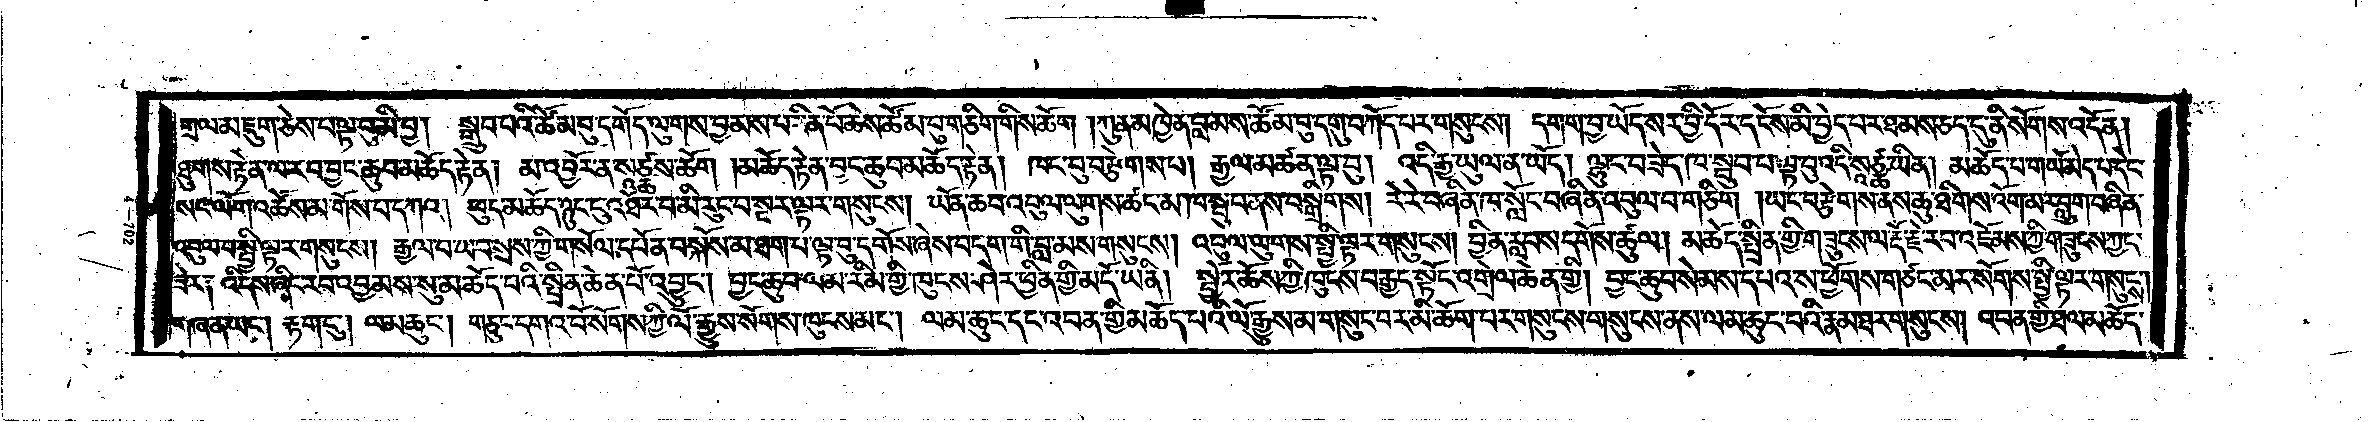གྲལ་མཇུག་ཅེས་པ་ལྟ་བུ་མི་བྱ། སྒྲུབ་པའི་ཚོམ་བུ་དགོད་ལུགས་བྱམས་པ་རིན་པོ་ཆེས་ཚོམ་བུ་གཅིག་གིས་ཆོག །ཀུན་མཁྱེན་བླ་མས་ཚོམ་བུ་དགུ་བཀོད་པར་གསུངས། དགག་བྱ་འོད་སར་བྱི་དོར་དངོས་མི་བྱེད་པར་ཐམས་ཅད་དུ་ནི་སོགས་འདོན།
ཐུགས་རྟེན་ལ་རབ་བྱང་ཆུབ་མཆོད་རྟེན། མ་འབྱོར་ན་སཱཙྪ་ཆོག །མཆོད་རྟེན་བྱང་ཆུབ་མཆོད་རྟེན། ཁང་བུ་བརྩེགས་པ། རྒྱལ་མཚན་ལྟ་བུ། འདི་རྒྱ་ཡུལ་ན་ཡོད། ལྷུང་བཟེད་ཁ་སྦུབ་པ་ལྟ་བུ་འདི་སཱཙྪ་ཡིན། མཆོད་པ་གཡོ་མེད་པ་དེང་
སང་ལོག་འཚེས་མ་གོས་པ་དཀའ། ཕུད་མཆོད་ཉུང་ངུ་འཐོར་བ་མི་རུང་བ་སྔར་ལྟར་གསུངས། ཡོན་ཆབ་འབུལ་ལུགས་ཚང་མ་ཁ་སྦུབ་ནས་བསྒྲིགས། རེ་རེ་བཞིན་ཁ་སློང་བཞིན་འབུལ་བ་གཅིག །ཡང་བརྩེགས་ནས་ཆུ་ཐིགས་འོག་མར་བླུག་བཞིན་
འབུལ་བ་སྤྱི་ལྟར་གསུངས། རྒྱལ་བ་ཡབ་སྲས་ཀྱི་གསོལ་དཔོན་བསྐོས་མ་ཐག་པ་ལྟ་བུ་དགོས་ཞེས་བདག་གི་བླ་མས་གསུངས། འབུལ་ལུགས་སྤྱི་ལྟར་གསུངས། བྱིན་རླབས་དགོས་ཚུལ། མཆོད་སྤྲིན་གྱི་གཟུངས་ལ་རྡོ་རྗེ་རབ་འཇོམས་ཀྱི་གཟུངས་ཀྱང་
ཟེར༑ འདིས་ཞིང་རབ་འབྱམས་སུ་མཆོད་པའི་སྤྲིན་ཆེན་པོ་འབྱུང་། བྱང་ཆུབ་ལམ་རིམ་གྱི་ཁུངས་ཤེར་ཕྱིན་གྱི་མདོ་ཡིན། སྦྱོར་ཆོས་ཀྱི་ཁུངས་བརྒྱད་སྟོང་འགྲེལ་ཆེན་གྱི། བྱང་ཆུབ་སེམས་དཔའ་ས་ཕྱོགས་གཙང་མར་སོགས་སྤྱི་ལྟར་གསུངས།
གཞན་ཡང་། རྟག་དུ། ལམ་ཆུང་། གཅུང་དགའ་བོ་སོགས་ཀྱི་ལོ་རྒྱུས་སོགས་ཁུངས་མང་། ལམ་ཆུང་དང་འབན་གྱི་མཆོད་པའི་ལོ་རྒྱུས་མ་གསུང་བར་མི་ཆོག་པར་གསུངས་གསུངས་ནས་ལམ་ཆུང་བའི་རྣམ་ཐར་གསུངས། འབན་གྱི་ཐལ་མཆོད་